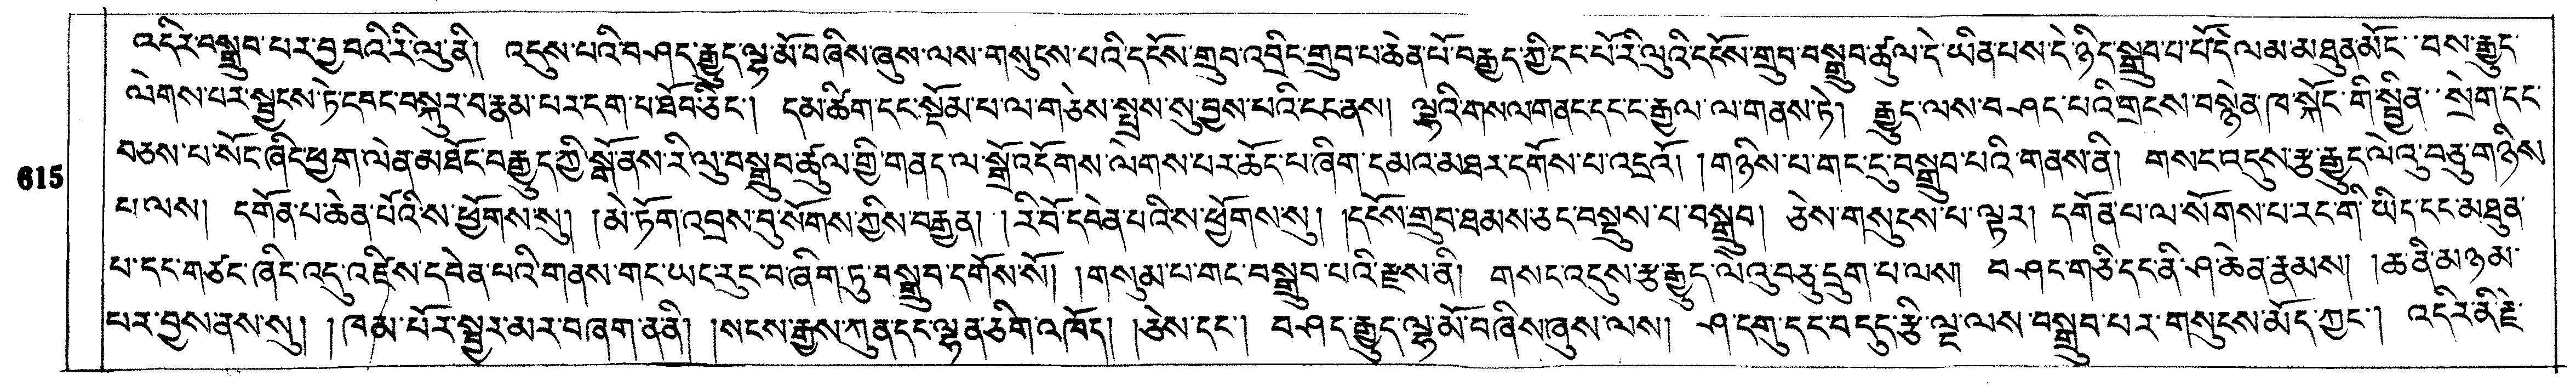འདིར་བསྒྲུབ་པར་བྱ་བའི་རི་ལུ་ནི། འདུས་པའི་བཤད་རྒྱུད་ལྷ་མོ་བཞིས་ཞུས་ལས་གསུངས་པའི་དངོས་གྲུབ་འབྲིང་གྲུབ་པ་ཆེན་པོ་བརྒྱད་ཀྱི་དང་པོ་རི་ལུའི་དངོས་གྲུབ་བསྒྲུབ་ཚུལ་དེ་ཡིན་པས་དེ་ཉིད་སྒྲུབ་པ་པོ་དེ་ལམ་མཐུན་མོང་བས་རྒྱུད་
ལེགས་པར་སྦྱངས་ཏེ་དབང་བསྐུར་བ་རྣམ་པར་དག་པ་ཐོབ་ཅིང་། དམ་ཚིག་དང་སྡོམ་པ་ལ་གཅེས་སྤྲས་སུ་བྱས་པའི་ངང་ནས། ལྷའི་གསལ་གནང་དང་ང་རྒྱལ་ལ་གནས་ཏེ། རྒྱུད་ལས་བཤད་པའི་གྲངས་བསྙེན་ཁ་སྐོང་གི་སྦྱིན་སྲེག་དང་
བཅས་པ་སོང་ཞིང་ཕྱག་ལེན་མཐོང་བརྒྱུད་ཀྱི་སྒོ་ནས་རི་ལུ་བསྒྲུབ་ཚུལ་གྱི་གནད་ལ་སྒྲོ་འདོགས་ལེགས་པར་ཆོད་པ་ཞིག་དམའ་མཐར་དགོས་པ་འདྲའོ། །གཉིས་པ་གང་དུ་བསྒྲུབ་པའི་གནས་ནི། གསང་འདུས་རྩ་རྒྱུད་ལེའུ་བཅུ་གཉིས་
པ་ལས། དགོན་པ་ཆེན་པོའི་ས་ཕྱོགས་སུ། །མེ་ཏོག་འབྲས་བུ་སོགས་ཀྱིས་བརྒྱན། །རི་བོ་དབེན་པའི་ས་ཕྱོགས་སུ། །དངོས་གྲུབ་ཐམས་ཅད་བསྡུས་པ་བསྒྲུབ། ཅེས་གསུངས་པ་ལྟར། དགོན་པ་ལ་སོགས་པ་རང་གི་ཡིད་དང་མཐུན་
པ་དང་གཙང་ཞིང་འདུ་འཛིས་དབེན་པའི་གནས་གང་ཡང་རུང་བ་ཞིག་ཏུ་བསྒྲུབ་དགོས་སོ། །གསུམ་པ་གང་བསྒྲུབ་པའི་རྫས་ནི། གསང་འདུས་རྩ་རྒྱུད་ལེའུ་བཅུ་དྲུག་པ་ལས། བཤད་གཅི་དང་ནི་ཤ་ཆེན་རྣམས། །ཆ་ནི་མཉམ་
པར་གྱས་ནས་སུ། །ཁམ་པོར་སྦྱར་མར་བཞག་ན་ནི། །སངས་རྒྱས་ཀུན་དང་ལྷན་ཅིག་འཁོད། །ཅེས་དང་། བཤད་རྒྱུད་ལྷ་མོ་བཞིས་ཞུས་ལས། ཤ་དགུ་དང་བདུད་རྩི་ལྔ་ལས་བསྒྲུབ་པར་གསུངས་མོད་ཀྱང་། འདིར་ནི་རྗེ་